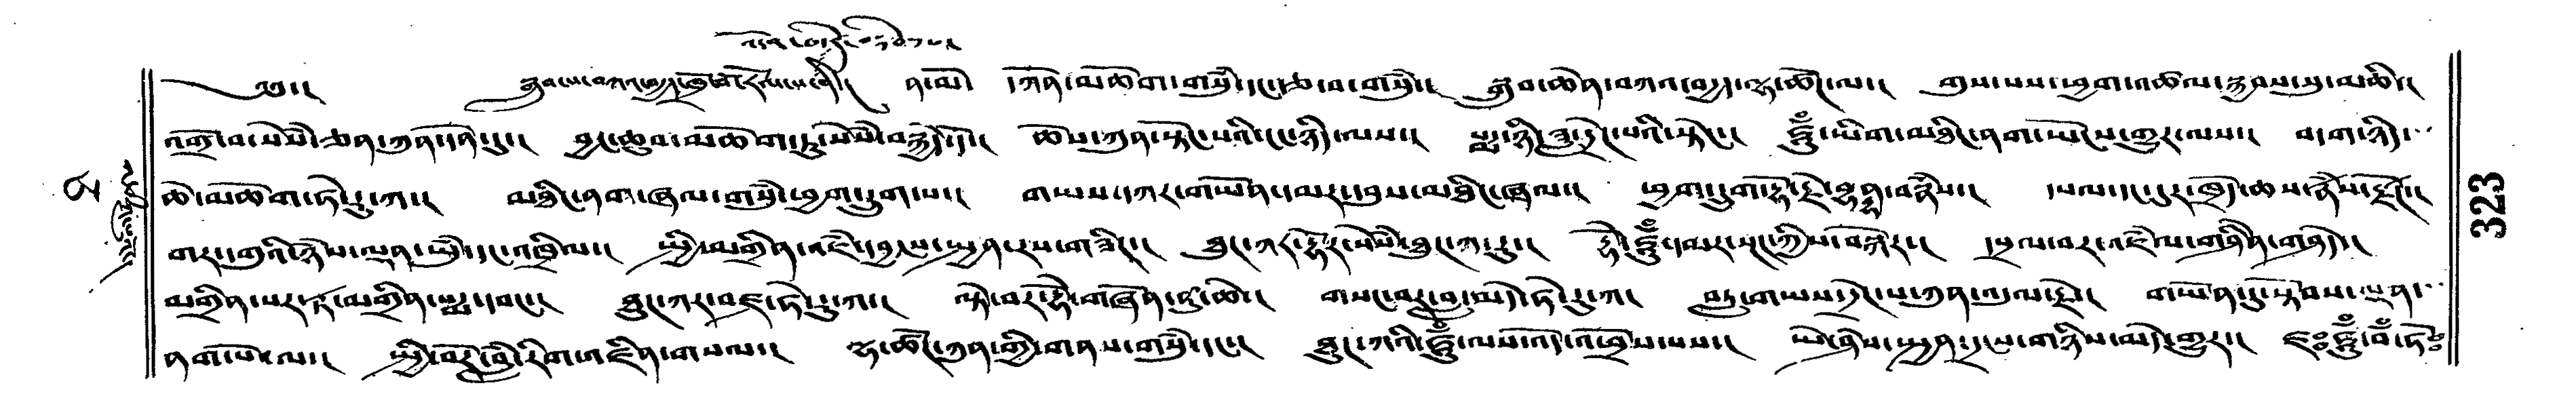༄༅། སྒྲུབ་པ་བཀའ་བརྒྱད་ཁྲོ་བོ་རོལ་པ་འདོན་བདེར་བསྡེབས་པ་ནི། ན་མོ། དཀོན་མཆོག་གསུམ་དང་རྩ་བ་གསུམ། །སྒྲུབ་ཆེན་བཀའ་བརྒྱད་ལྷ་ཚོགས་ལ། །གུས་པས་ཕྱག་འཚལ་སྐྱབས་སུ་མཆི། །
འགྲོ་བ་སེམས་ཅན་ཀུན་དོན་དུ། །བྱང་ཆུབ་མཆོག་ཏུ་སེམས་བསྐྱེད་དོ། །ཆོས་ཀུན་སྟོང་པའི་ངང་ཉིད་ལས། །པདྨ་ཉི་ཟླ་དྲེགས་པའི་སྟེང་། །ཧཱུྃ་ཡིག་མཐིང་ནག་ཡོངས་གྱུར་ལས། །བདག་ཉིད་
ཆེ་མཆོག་ཧེ་རུ་ཀཿ །མཐིང་ནག་ཞལ་གསུམ་ཕྱག་དྲུག་པ། །གཡས་དཀར་གཡོན་དམར་དབུས་མཐིང་ཞལ། །ཕྱག་དྲུག་རྡོ་རྗེ་བྷནྡྷ་བསྣམས། །དཔལ་དང་དུར་ཁྲོད་ཆས་རྣམས་རྫོགས། །
གར་དགུའི་ཉམས་ལྡན་ཡུམ་དང་འཁྲིལ། །སྤྱི་མགྲིན་འཇམ་དབྱངས་སྤྱན་རས་གཟིགས། །ཐུགས་ཀར་རྡོར་སེམས་ཐུགས་ཀ་རུ། །རྡོ་རྗེ་ཧཱུྃ་དམར་སྔགས་ཀྱིས་བསྐོར། །དཔྲལ་བར་འཇམ་དཔལ་བཤེས་གཉེན་གཤེད། །
མགྲིན་པར་རྟ་མགྲིན་པདྨ་དབང་། །ཐུགས་ཀར་བཛྲ་ཧེ་རུ་ཀཿ །ལྟེ་བར་རྡོ་རྗེ་གཞོན་ནུ་ཆེ། །གསང་བར་བླ་མེད་ཧེ་རུ་ཀཿ །བརླ་གཡས་དྲེགས་པ་ཀུན་འདུལ་རྗེ། །གཡོན་དུ་སྟོབས་ལྡན་
ནག་པོ་ལ། །སྤྱི་བོར་བླ་མ་རིག་འཛིན་གསལ། །ལྷ་ཚོགས་ཀུན་གྱི་གནས་གསུམ་དང་། །ཐུགས་ཀའི་ཧཱུྃ་ལས་འོད་འཕྲོས་པས། །ཡེ་ཤེས་སྤྱན་དྲངས་གཉིས་མེད་གྱུར། ཛཿཧཱུྃ་བྃ་ཧོ༔